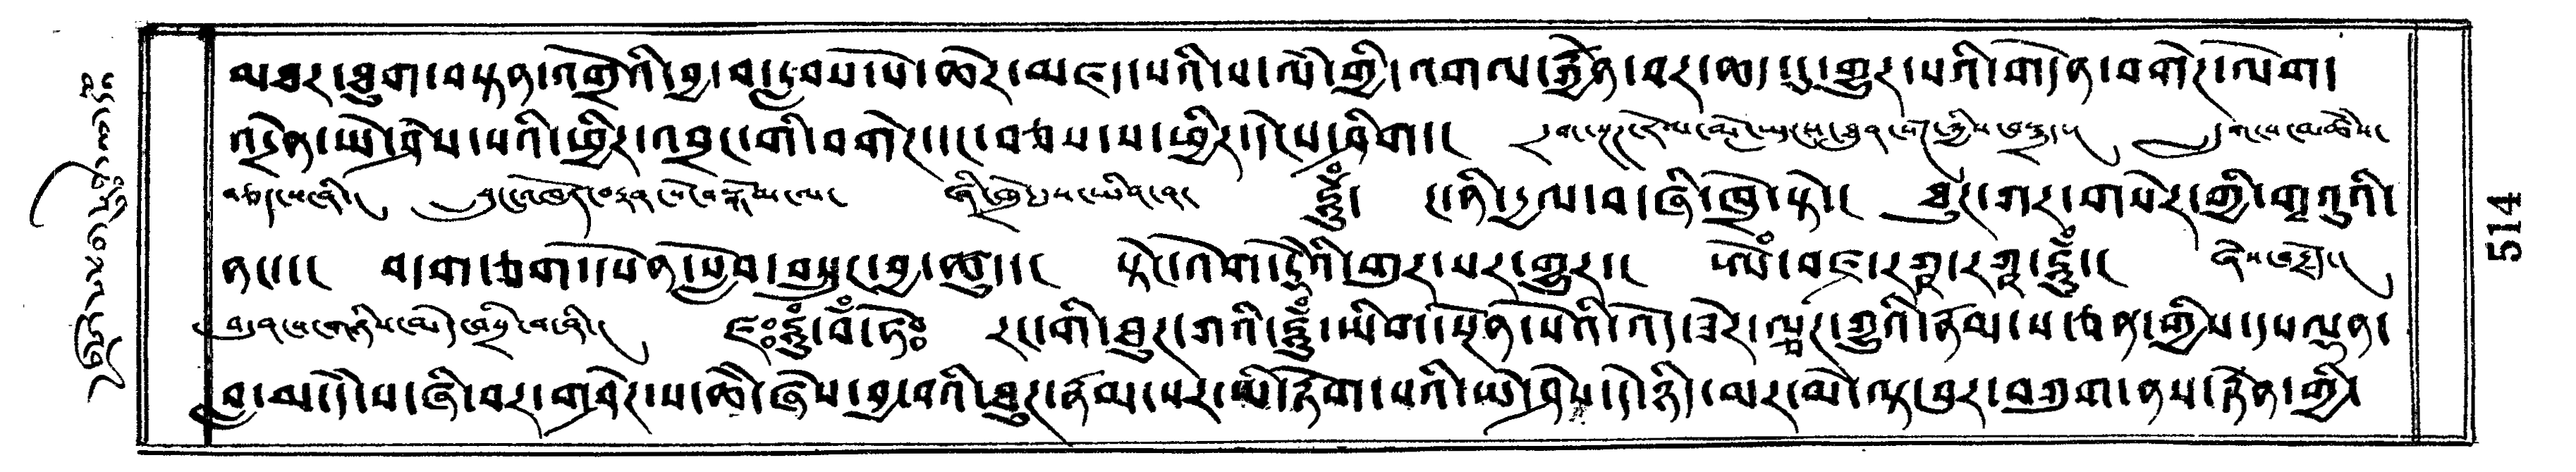མཐར་ཐུག་བསྟན་འགྲོའི་བྱ་བ་རླབས་པོ་ཆེ་མཛད་པའི་ས་ལམ་གྱི་འགལ་རྐྱེན་བར་ཆད་དུ་གྱུར་པའི་གདོན་བགེགས་ལོག་
འདྲེན་ཡེ་ཤེས་པའི་ཕྱིར་འབྲང་གི་བགེགས་དང་བཅས་པ་ཕྱིར་དེངས་ཤིག དྲག་སྔགས་རོལ་མོ་ཡུངས་ཐུན་སོགས་ཀྱིས་བསྐྲད། དྲུག་པ་མཚམས་
གཅོད་པ་ནི། སྲུང་འཁོར་བརྟན་པོ་བསྒོམ་ལ། ཞི་ཁྲོའི་དུས་ཡིན་ན། ཧཱུྃ། ང་ནི་རྒྱལ་བ་ཞི་ཁྲོ་སྟེ། ཐུགས་ཀར་གསེར་གྱི་གའུའི་
ནང་། བདག་ཅག་དཔོན་སློབ་བསྲུང་བྱ་ཚུད། སྟེག་འོག་རྡོ་རྗེའི་གུར་སར་གྱུར། ཨོཾ་བཛྲ་རཀྵ་རཀྵ་ཧཱུྃ། ཞེས་བརྗོད། 
བདུན་པ་གཉིས་མེད་སྲེ་བ་ནི། ཛཿཧཱུྃ་བཾ་ཧོཿ རང་གི་ཐུགས་ཀའི་ཧཱུྃ་ཡིག་སྔོན་པོའི་འོད་ཟེར་ལྕགས་ཀྱུའི་རྣམ་པ་ཅན་གྱིས་དཔལ་ལྡན་
བླ་མ་དམ་པ་ཞི་བར་གཤེགས་པ་མཚན་ཞེས་བྱ་བའི་ཐུགས་རྣམ་པར་མི་རྟོག་པའི་ཡེ་ཤེས་དེ་ཉིད་མར་མེ་ལྟ་བུར་བཀུག་ནས་རྟེན་གྱི་